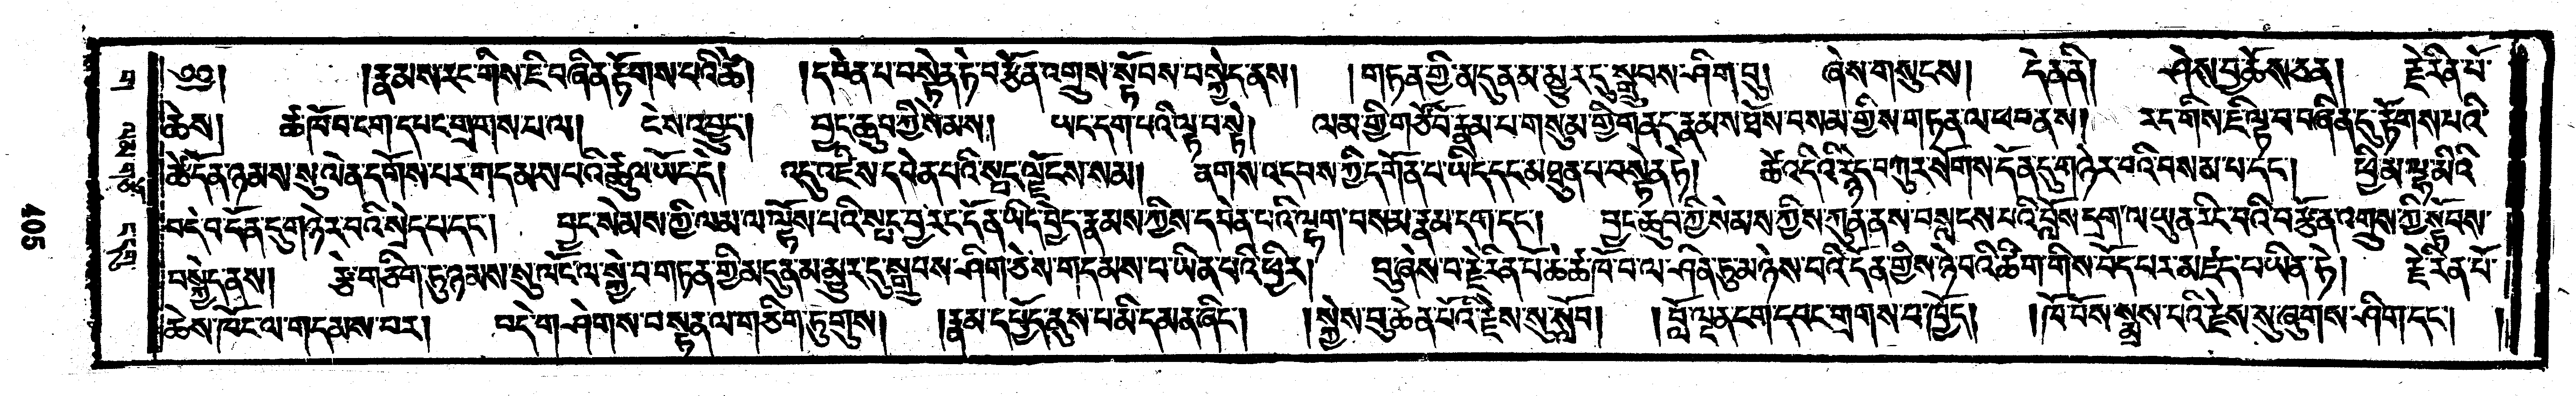༄༅། །རྣམས་རང་གིས་ཇི་བཞིན་རྟོགས་པའི་ཚེ། །དབེན་པ་བསྟེན་ཏེ་བརྩོན་འགྲུས་སྟོབས་བསྐྱེད་ནས། །གཏན་གྱི་མདུན་མ་མྱུར་དུ་སྒྲུབས་ཤིག་བུ། ཞེས་གསུངས། དེ་ན་ནི། ཤེས་བྱ་ཆོས་ཅན། རྗེ་རིན་པོ་
ཆེས། ཚ་ཁོ་བ་ངག་དབང་གྲགས་པ་ལ། ངེས་འབྱུང་། བྱང་ཆུབ་ཀྱི་སེམས། ཡང་དག་པའི་ལྟ་བ་སྟེ། ལམ་གྱི་གཙོ་བོ་རྣམ་པ་གསུམ་གྱི་གནད་རྣམས་ཐོས་བསམ་གྱིས་གཏན་ལ་ཕབ་ནས། རང་གིས་ཇི་ལྟ་བ་བཞིན་དུ་རྟོགས་པའི་
ཚེ་དོན་ཉམས་སུ་ལེན་དགོས་པར་གདམས་པའི་ཚུལ་ཡོད་དེ། འདུ་འཛིས་དབེན་པའི་སྤང་ལྗོངས་སམ། ནགས་འདབས་ཀྱི་དགོན་པ་ཡིད་དང་མཐུན་པ་བསྟེན་ཏེ། ཚེ་འདིའི་རྙེད་བཀུར་སོགས་དོན་དུ་གཉེར་བའི་བསམ་པ་དང་། ཕྱི་མ་ལྷ་མིའི་
བདེ་བ་དོན་དུ་གཉེར་བའི་སྲེད་པ་དང་། བྱང་སེམས་ཀྱི་ལམ་ལ་ལྟོས་པའི་སྤང་བྱ་རང་དོན་ཡིད་བྱེད་རྣམས་ཀྱིས་དབེན་པའི་ལྷག་བསམ་རྣམ་དག་དང་། བྱང་ཆུབ་ཀྱི་སེམས་ཀྱིས་ཀུན་ནས་བསླངས་པའི་བློས་དྲག་ལ་ཡུན་རིང་བའི་བརྩོན་འགྲུས་ཀྱི་སྟོབས་
བསྐྱེད་ནས། རྩེ་གཅིག་ཏུ་ཉམས་སུ་ལོང་ལ་སྐྱེ་བ་གཏན་གྱི་མདུན་མ་མྱུར་དུ་སྒྲུབ་ཤིག་ཅེས་གདམས་པ་ཡིན་པའི་ཕྱིར། བུ་ཞེས་བ་རྗེ་རིན་པོ་ཆེ་ཚ་ཁོ་བ་ལ་ཤིན་ཏུ་མཉེས་བའི་དོན་གྱིས་ཉེ་བའི་ཚིག་གིས་བོད་པར་མཛད་པ་ཡིན་ཏེ། རྗེ་རིན་པོ་
ཆེས་ཁོང་ལ་གདམས་བར། བདེ་གཤེགས་པ་བསྟན་ལ་གཅིག་ཏུ་གུས། །རྣམ་དཔྱོད་ནུས་པ་མི་དམན་ཞིང་། །སྐྱེས་བུ་ཆེན་པོའི་རྗེས་སུ་སློབ། །བློ་ལྡན་ངག་དབང་གྲགས་པ་ཁྱོད། །ཁོ་བོས་སྨྲས་པའི་རྗེས་སུ་ཞུགས་ཤིག་དང་། །